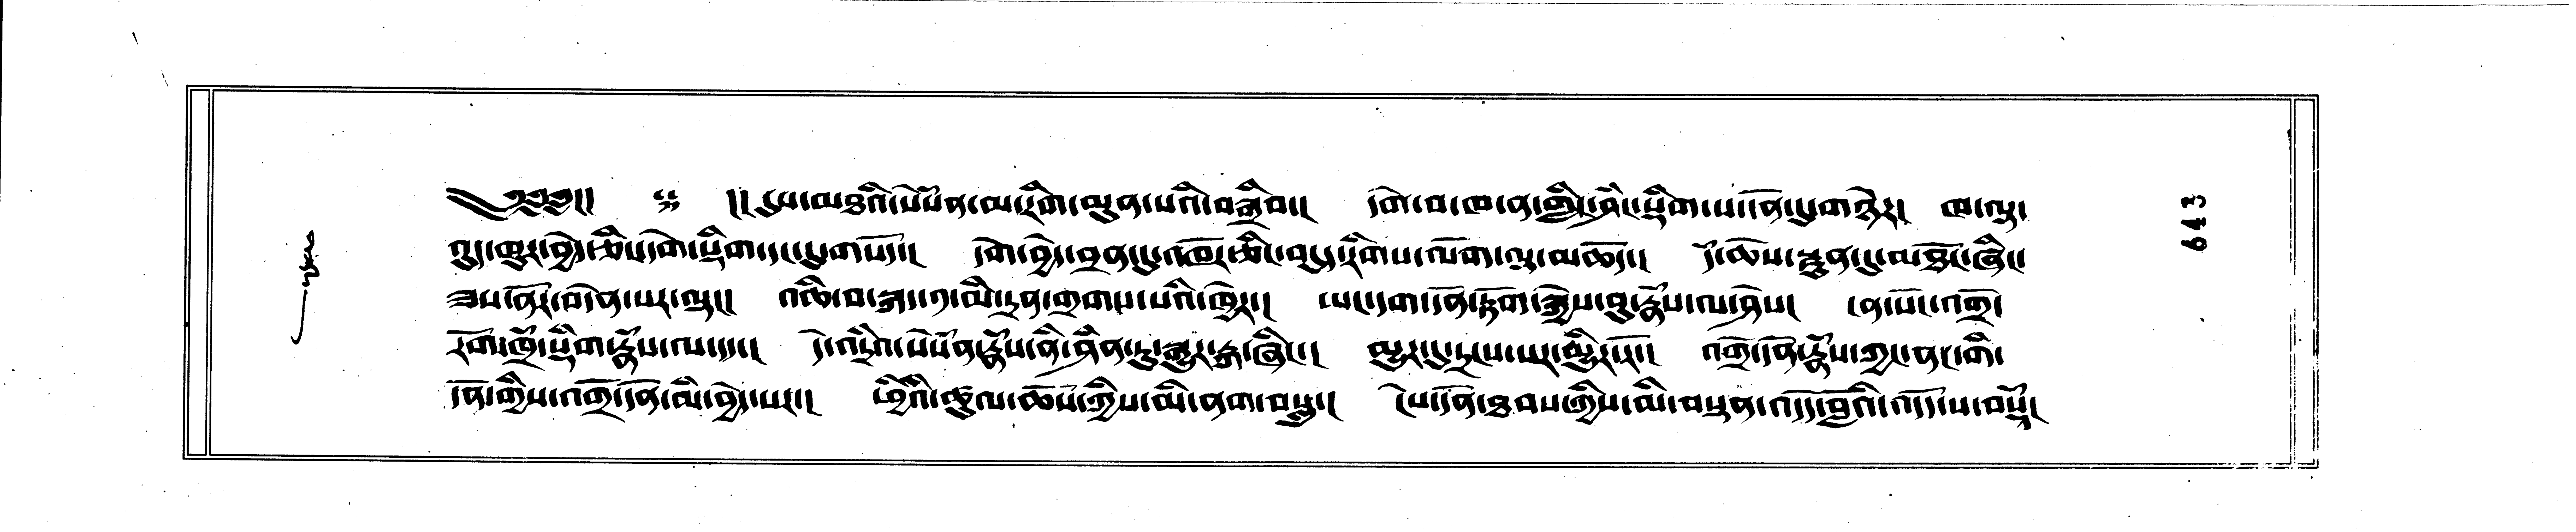དུས་མཐའི་སེམས་ཅན་མ་རིག་མུན་པས་སྒྲིབ། དགེ་བ་ཁ་ནས་གླིང་༼གླེང༽ཞིང་སྡིག་པ་དོན་དུ་གཉེར། ཁ་ཏ་
བུས་ཁུར་བྱེད་ཅིང་ངེས་དོན་ཁྱད་དུ་གསོད། དགེ་བྱེད་བྲན་དུ་མཐོང་ཞིང་བདུད་རིག་ལྷ་རུ་མཆོད། དམ་ཆོས་རྫུན་དུ་མཐོང་ཞིང་
ཟས་ནོར་བདེན་པར་ལྟ། འཆི་བ་སྐད་གཅིག་མི་དྲན་འཇིག་རྟེན་རྟག་པར་མཐོང་། ཡང་དག་དོན་སྟོན་སྐྱེས་བུ་རྣམས་ལ་གཤེ། ངན་སོང་འགྲོ་
རོག་ཁྲ་”ཁྲམ”སྡིག་རྣམས་ལ་དད། དེ་འདྲའི་སེམས་ཅན་རྣམས་ནི་ཤིན་དུ་འགྱུར་རྐ་ཞིང་མྱུར་དུ་འདྲོང་པར་མི་གྱུར། འགྲོ་དོན་པ་རྣམས་ཀྱང་ནང་གིས་
དོན་གྱིས་འགྲོ་དོན་མི་བྱེད། ཕྱིའི་ཚུལ་ཆོས་ཀྱི་མི་ནག་བསླུ། ངེས་དོན་ཐབས་ཀྱི་མི་བསྟན་འདོད་བློའི་མདུད་པས་སྡོམས།